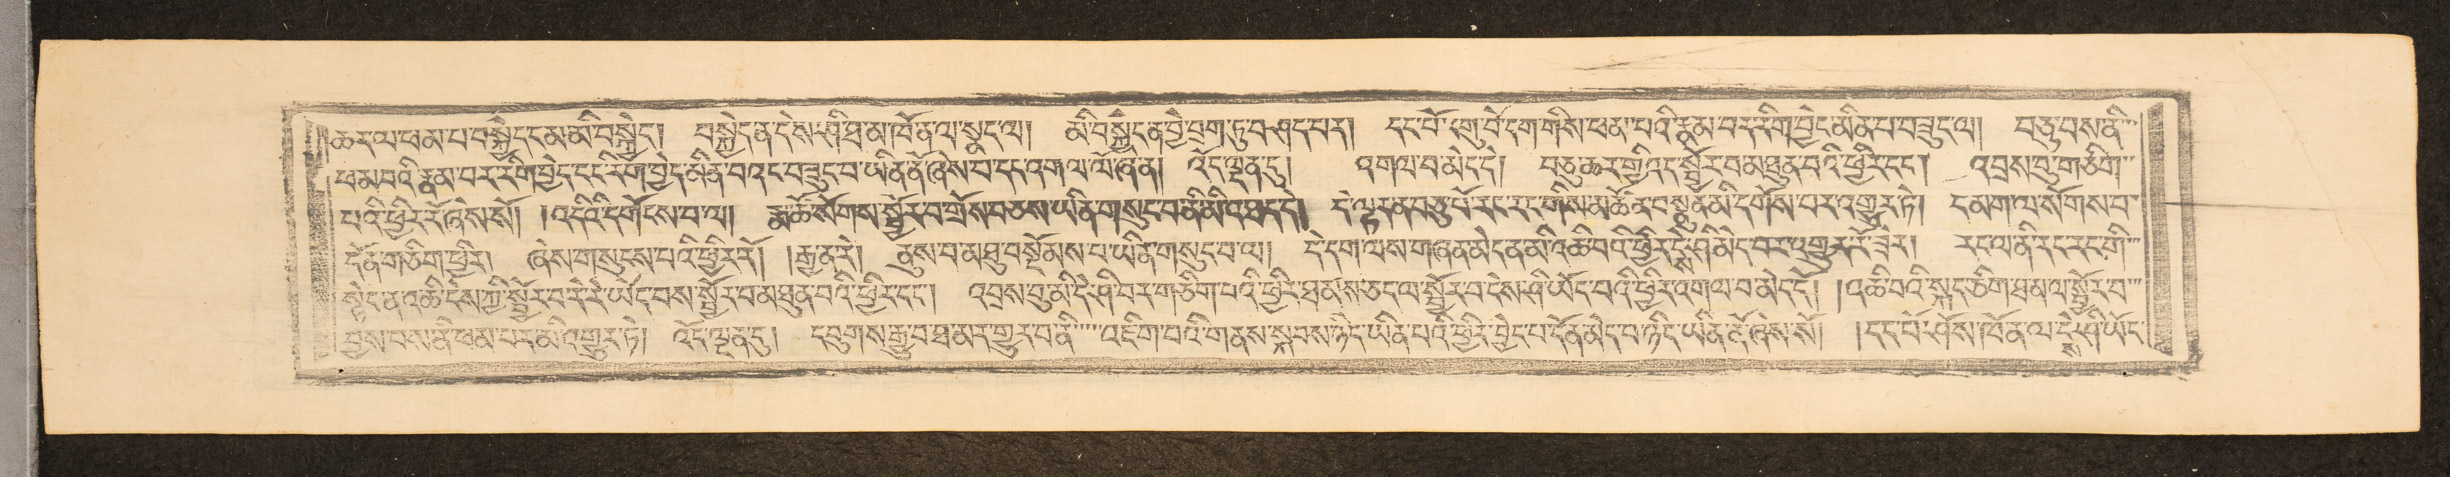ཆར་ལ་ཕམ་པ་བསྐྱེད་དམ་མི་བསྐྱེད། བསྐྱེད་ན་དེས་ཤི་ཐ་མ་ཁོ་ན་ལ་སྣང་ལ། མི་བསྐྱེད་ན་བྱེ་བྲག་ཏུ་བཤད་པར། དང་པོ་དགུ་པོ་དག་གིས་ཕམ་པའི་རྣམ་པར་རིག་བྱེད་མིན་པ་བཟུང་ལ། བཅུ་པས་ནི་
ཕམ་པའི་རྣམ་པར་རིག་བྱེད་དང་རིག་བྱེད་མིན་པའང་བཟུང་བ་ཡིན་ནོ་ཞེས་པ་དང་འགལ་ལོ་ཞེ་ན། འོད་ལྡན་དུ། འགལ་བ་མེད་དེ། བཅུ་ཆར་གྱིའང་སྦྱོར་བ་མཐུན་པའི་ཕྱིར་དང་། འབྲས་བུ་གཅིག་
པའི་ཕྱིར་རོ་ཞེས་སོ། །འདིའི་དགོངས་པ་ལ། རྨ་ཚོ་སོགས་སྦྱོར་བ་གྲོས་བཅས་ཡིན་གསུང་པ་ནི་མི་འཐད་དེ། དེ་ལྟར་ན་བཅུ་པོ་རང་རང་གིས་མཚོན་བསྣུན་མི་དགོས་པར་འགྱུར་ཏེ། དམག་ལ་སོགས་པ་
དོན་གཅིག་ཕྱིར། ཞེས་གསུངས་པའི་ཕྱིར་རོ། །རྒྱ་ན་རེ། ནུས་པ་མཐུ་བསྡོམས་པ་ཡིན་གསུང་བ་ལ། དེ་དག་ལས་གཞན་མེད་ན་མི་འཆི་བའི་ཕྱིར་དེས་ཤི་མེད་པར་འགྱུར་རོ་ཟེར། རང་ལ་ནི་རང་རང་གི་
སྟེང་ན་འཆི་ངེས་ཀྱི་སྦྱོར་བ་རེ་རེ་ཡོད་པས་སྦྱོར་བ་མཐུན་པའི་ཕྱིར་དང་། འབྲས་བུ་མི་དེ་ཤི་བར་གཅིག་པའི་ཕྱིར་ཐམས་ཅད་ལ་སྦྱོར་བ་དེས་ཤི་ཡོད་པའི་ཕྱིར་འགལ་བ་མེད་དོ། །འཆི་བའི་སྐད་ཅིག་ཐམ་ལ་སྦྱོར་བ་
བྱས་པས་ནི་ཕམ་པར་མི་འགྱུར་ཏེ། འོད་ལྡན་དུ། དབུགས་རྒྱུ་བ་ཐ་མར་གྱུར་བ་ནི་འཇིག་པའི་གནས་སྐབས་ཉིད་ཡིན་པའི་ཕྱིར་བྱེད་པ་དོན་མེད་པ་ཉིད་ཡིན་ནོ་ཞེས་སོ། །དང་པོ་ཤོས་ཁོ་ན་ལ་དེ་ཤི་ཡོད་